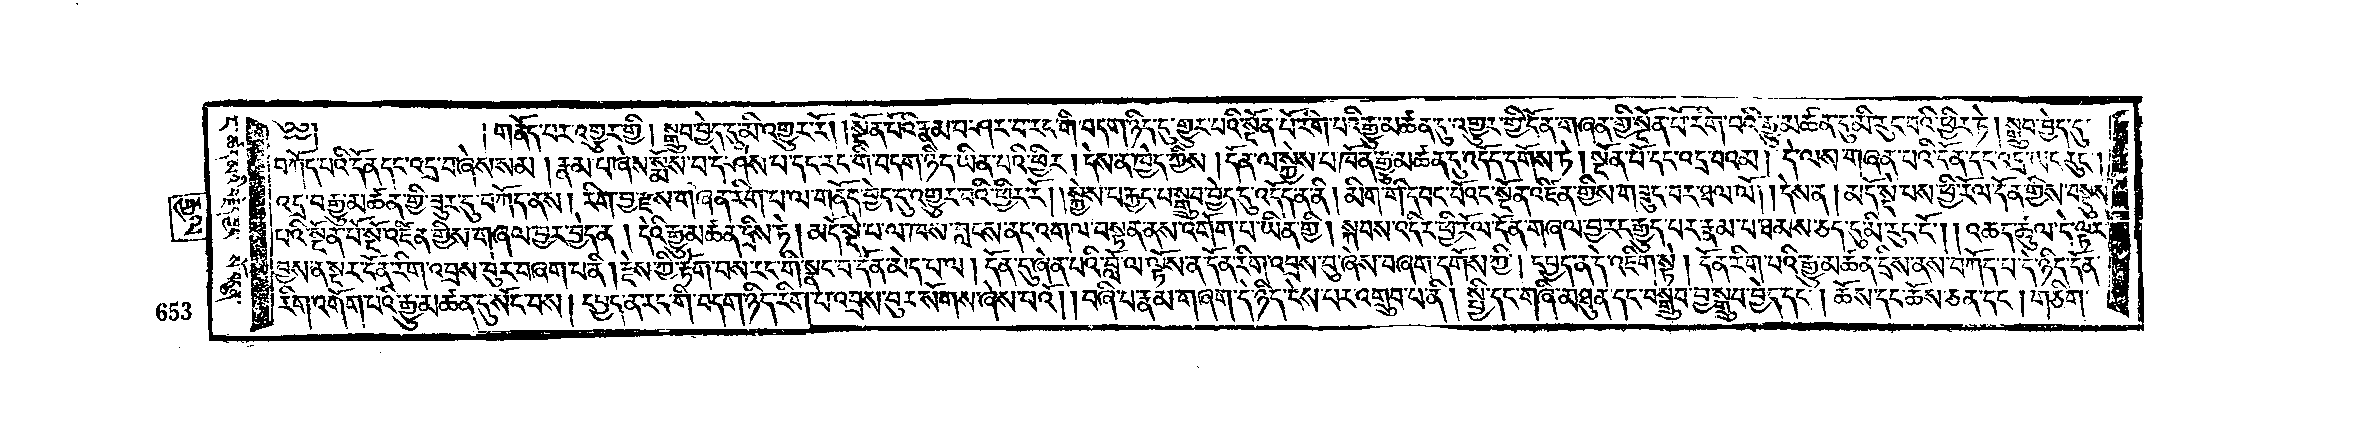༄༅། ། གནོད་པར་འགྱུར་གྱི་།སྒྲུབ་བྱེད་དུ་མི་འགྱུར་རོ། །སྔོན་པོའི་རྣམ་པ་ཤར་བ་རང་གི་བདག་ཉིད་དུ་གྱུར་པའི་སྔོན་པོ་རིག་པའི་རྒྱུ་མཚན་དུ་འགྱུར་གྱི་དོན་གཞན་གྱི་སྔོན་པོ་རིག་པའི་རྒྱུ་མཚན་དུ་མི་རུང་བའི་ཕྱིར་ཏེ། སྒྲུབ་བྱེད་དུ་
བཀོད་པའི་དོན་དང་འདྲ་བ་ཞེས་སམ། རྣམ་པ་ཞེས་སྨོས་པ་དེ་ཤེས་པ་དང་རང་གི་བདག་ཉིད་ཡིན་པའི་ཕྱིར། དེས་ན་ཁྱེད་ཀྱིས། །དོན་ལ་སྐྱེས་པ་ཁོ་ན་རྒྱུ་མཚན་དུ་འདོད་དགོས་ཏེ། སྔོན་པོ་དང་འདྲ་བའམ། དེ་ལས་གཞན་པའི་དོན་དང་འདྲ་ཡང་རུང་།
འདྲ་བ་རྒྱུ་མཚན་གྱི་ཟུར་དུ་བཀོད་ནས། རིག་བྱ་རྫས་གཞན་རིག་པ་ལ་གནོད་བྱེད་དུ་འགྱུར་བའི་ཕྱིར་རོ། །སྐྱེས་པ་རྐྱང་པ་སྒྲུབ་བྱེད་དུ་འདོད་ན་ནི། མིག་གི་དབང་པོའང་སྔོན་འཛིན་གྱིས་གཟུང་བར་ཐལ་ལོ། །དེས་ན་མདོ་སྡེ་པས་ཕྱི་རོལ་དོན་གྱིས་བསྡུས་
པའི་སྔོན་འཛིན་གྱིས་གཞལ་བྱར་བྱེད་ན། དེའི་རྒྱུ་མཚན་དྲིས་ཏེ། མདོ་སྡེ་པ་ལ་ཁས་བླངས་ནང་འགལ་བསྟན་ནས་འགོག་པ་ཡིན་གྱི་།སྐབས་འདིར་ཕྱི་རོལ་དོན་གཞལ་བྱ་རང་རྒྱུད་པར་རྣམ་པ་ཐམས་ཅད་དུ་མི་རུང་ངོ། །འཆད་ཚུལ་དེ་ལྟར་
བྱས་ནས་སྔར་དོན་རིག་འབྲས་བུ་བཞག་པ་ནི། རྗེས་ཀྱི་རྟོག་པས་རང་གི་སྣང་བ་དོན་མེད་པ་ལ། དོན་དུ་ཞེན་པའི་བློ་ལ་ལྟོས་ན་དོན་རིག་འབྲས་བུ་ཞེས་བཞག་དགོས་ཀྱི། དཔྱད་ན་དེ་འཇིག་སྟེ། དོན་རིག་པའི་རྒྱུ་མཚན་དྲིས་ནས་བཀོད་པ་དེ་ཉིད་དོན་
རིག་འགོག་པའི་རྒྱུ་མཚན་དུ་སོང་བས། དཔྱད་ན་རང་གི་བདག་ཉིད་རིག་པ་འབྲས་བུར་སོགས་ཞེས་པའོ། །བཞི་པ་རྣམ་གཞག་དེ་ཉིད་ངེས་པར་འགྲུབ་པ་ནི། སྤྱི་དང་གཞི་མཐུན་དང་བསྒྲུབ་བྱ་སྒྲུབ་བྱེད་དང་། ཆོས་དང་ཆོས་ཅན་དང་། གཅིག་